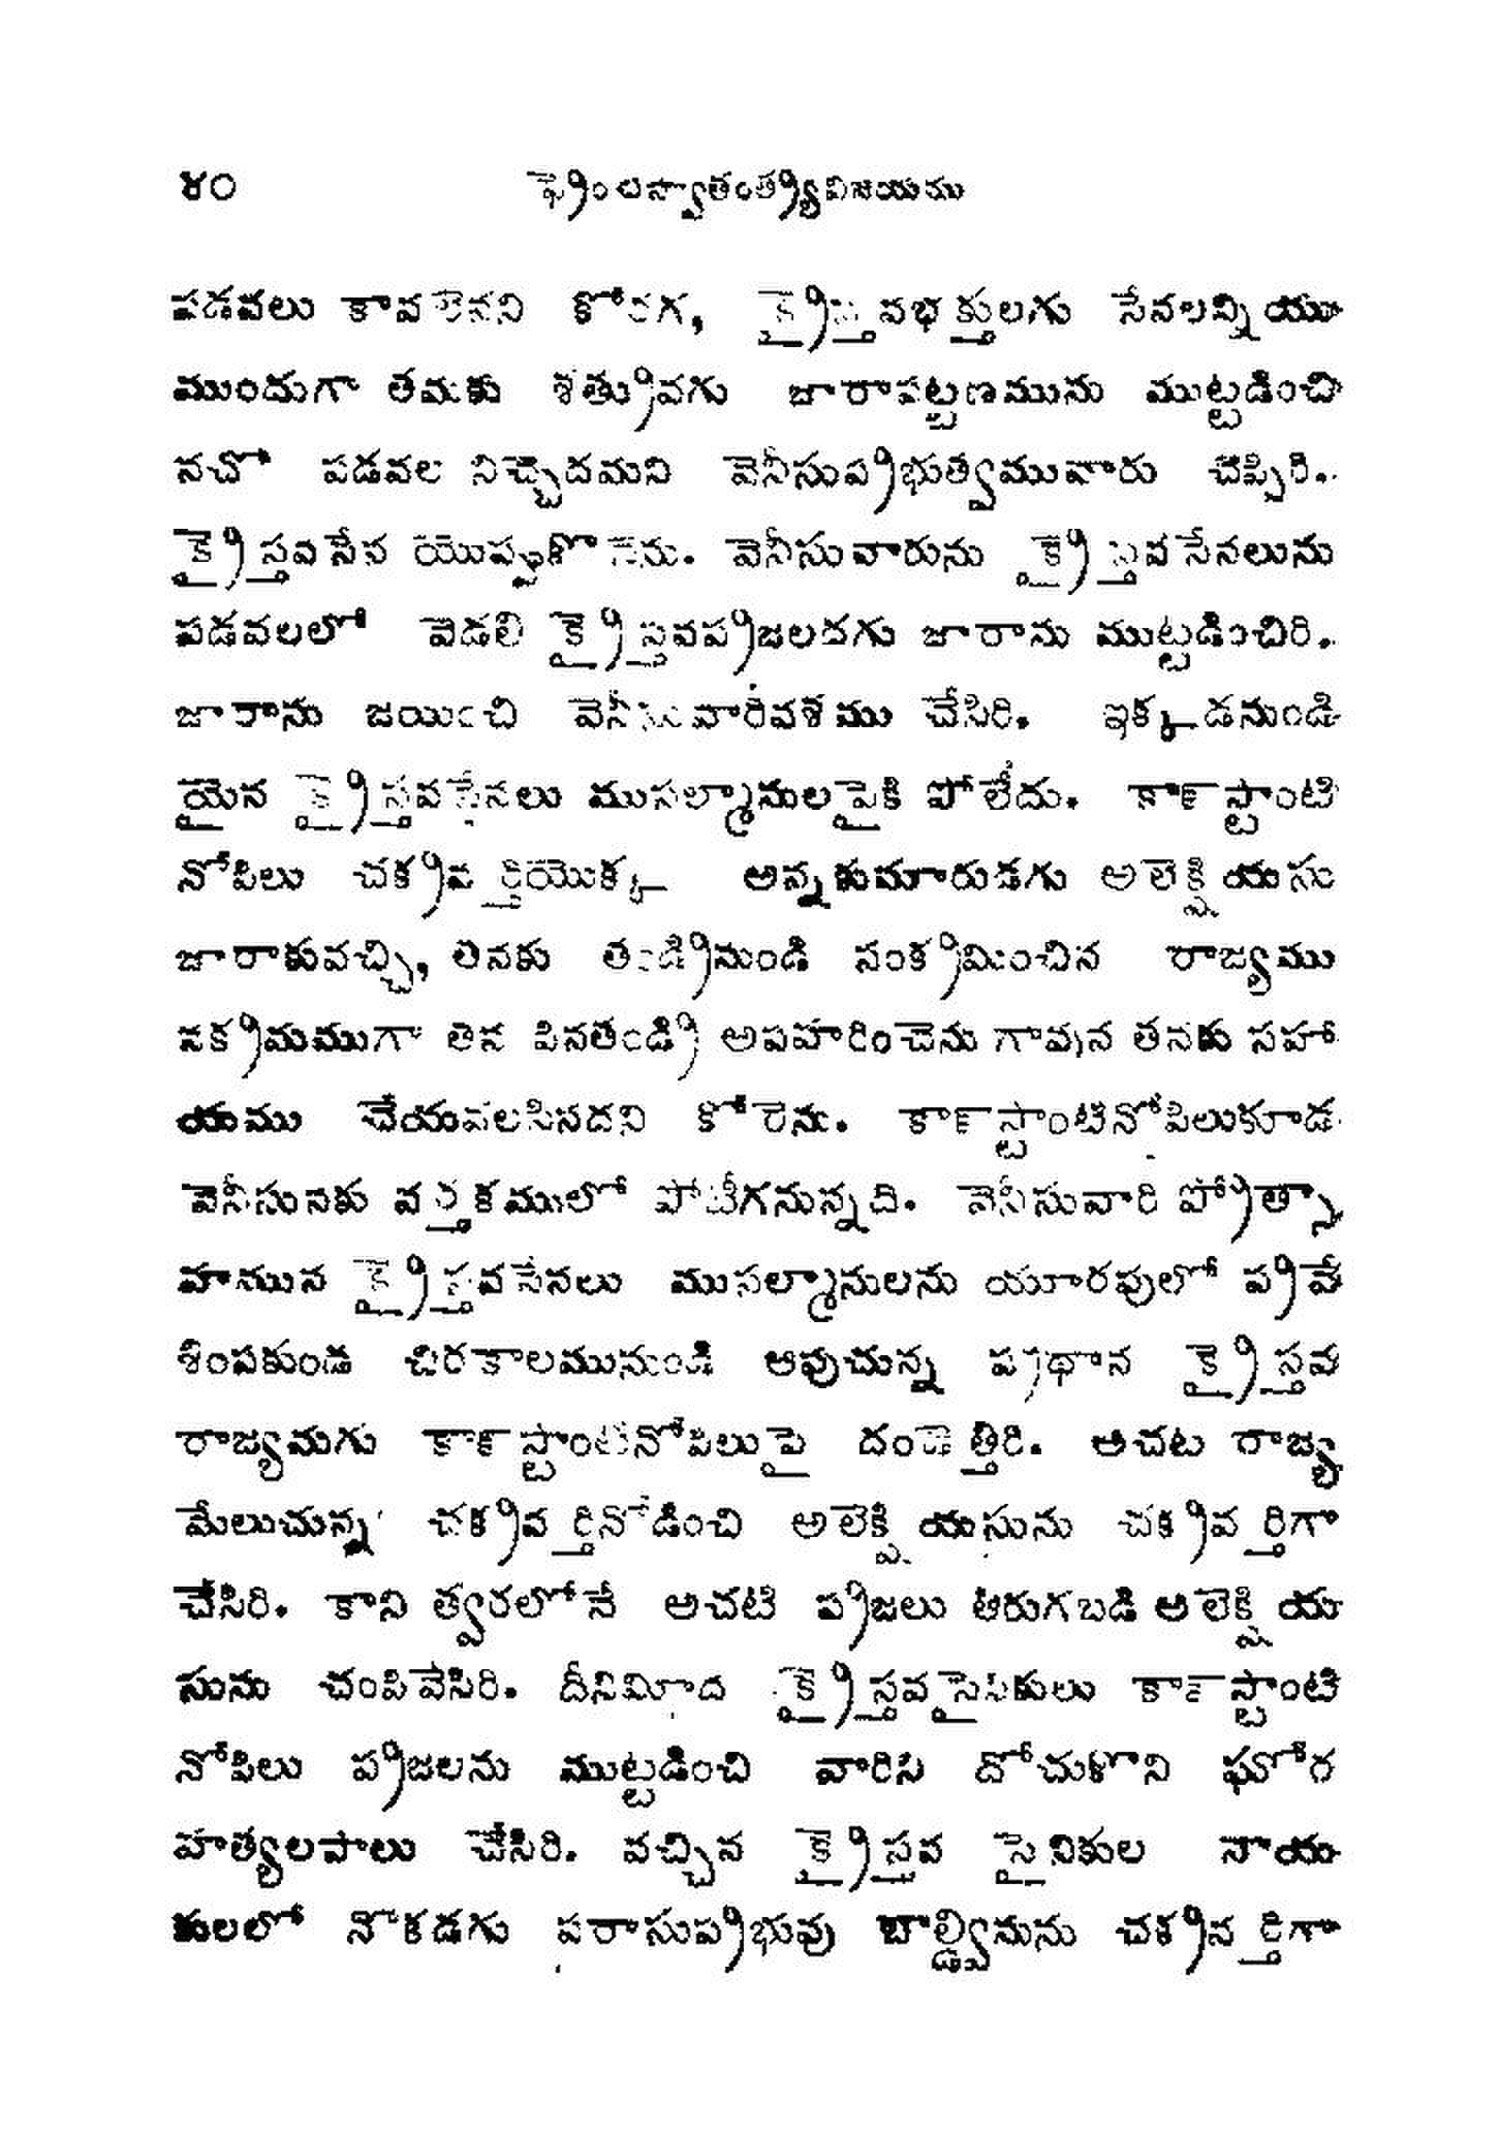పడవలు కావలెనని కోరగ, క్రైస్త భక్తులగు సేనలన్నియు
ముందుగా తమకు శత్రువగు జారా పట్టణమును ముట్టడించి
నచో పడవల నిచ్చిదమని వెనీసు ప్రభుత్వమువారు చెప్పిరి..
క్రైస్తవ సేన యొప్పుకొనెను. వెనీసువారును క్రైస్తవ సేనలును
పడవలలో వెడలి క్రైస్తవ ప్రజలదగు జారాను ముట్టడించిరి.
జురాను జయించి వెనీసు వారివశము చేసిరి. ఇక్కడనుండి 
యైన క్రైస్తవ సేనలు ముసల్మానుల పైకి పోలేదు.కాన్ స్టాంటి
నోపిలు చకప యొక్క అన్న కుమారుడగు అలెక్సియసు 
జారాకు వచ్చి, తనకు తండ్రి నుండి సంక్ర మించిన రాజ్యము 
సక్రమముగా తన పినతండ్రి అపహరించెను గావున తనకు సహాయ
ము చేయ వలసినదని కోరెను. కాన్ స్టాంటినోపిలుకూడ
వెనీసుసకు వర్తకములో పోటీగ నున్నది. వెనీసువారి ప్రోత్సా,
హముస క్రైస్తవ సేనలు ముసల్మానులను యూరపులో ప్రవే
శింపకుండ చిరకాలము నుండి ఆవుచున్న ప్రధాన క్రైస్తవ
రాజ్యమగు కాన్ స్టాంటి నోపిలు పై దండెత్తిరి. అచట రాజ్య
మేలుచున్న' చక్రవర్తి నోడించి అల్మే యసును చక్రవ ర్తిగా
చేసిరి. కాని త్వరలోనే అచటి ప్రజలు తిరుగబడి అలెక్షి య
సుసు చంపి వేసిరి. దీనిమీద క్రైస్తవ సైనికులు కాన్ స్టాంటి
నోపిలు ప్రజలను ముట్టడించి వారిని దోచుకొని ఘోర
హత్యలపాలు చేసిరి. వచ్చిన క్రైస్తవ సైనికుల నాయ
కులలో నొకడగు పరాసుప్రభువు బాల్డ్విమును చనర్తిగా